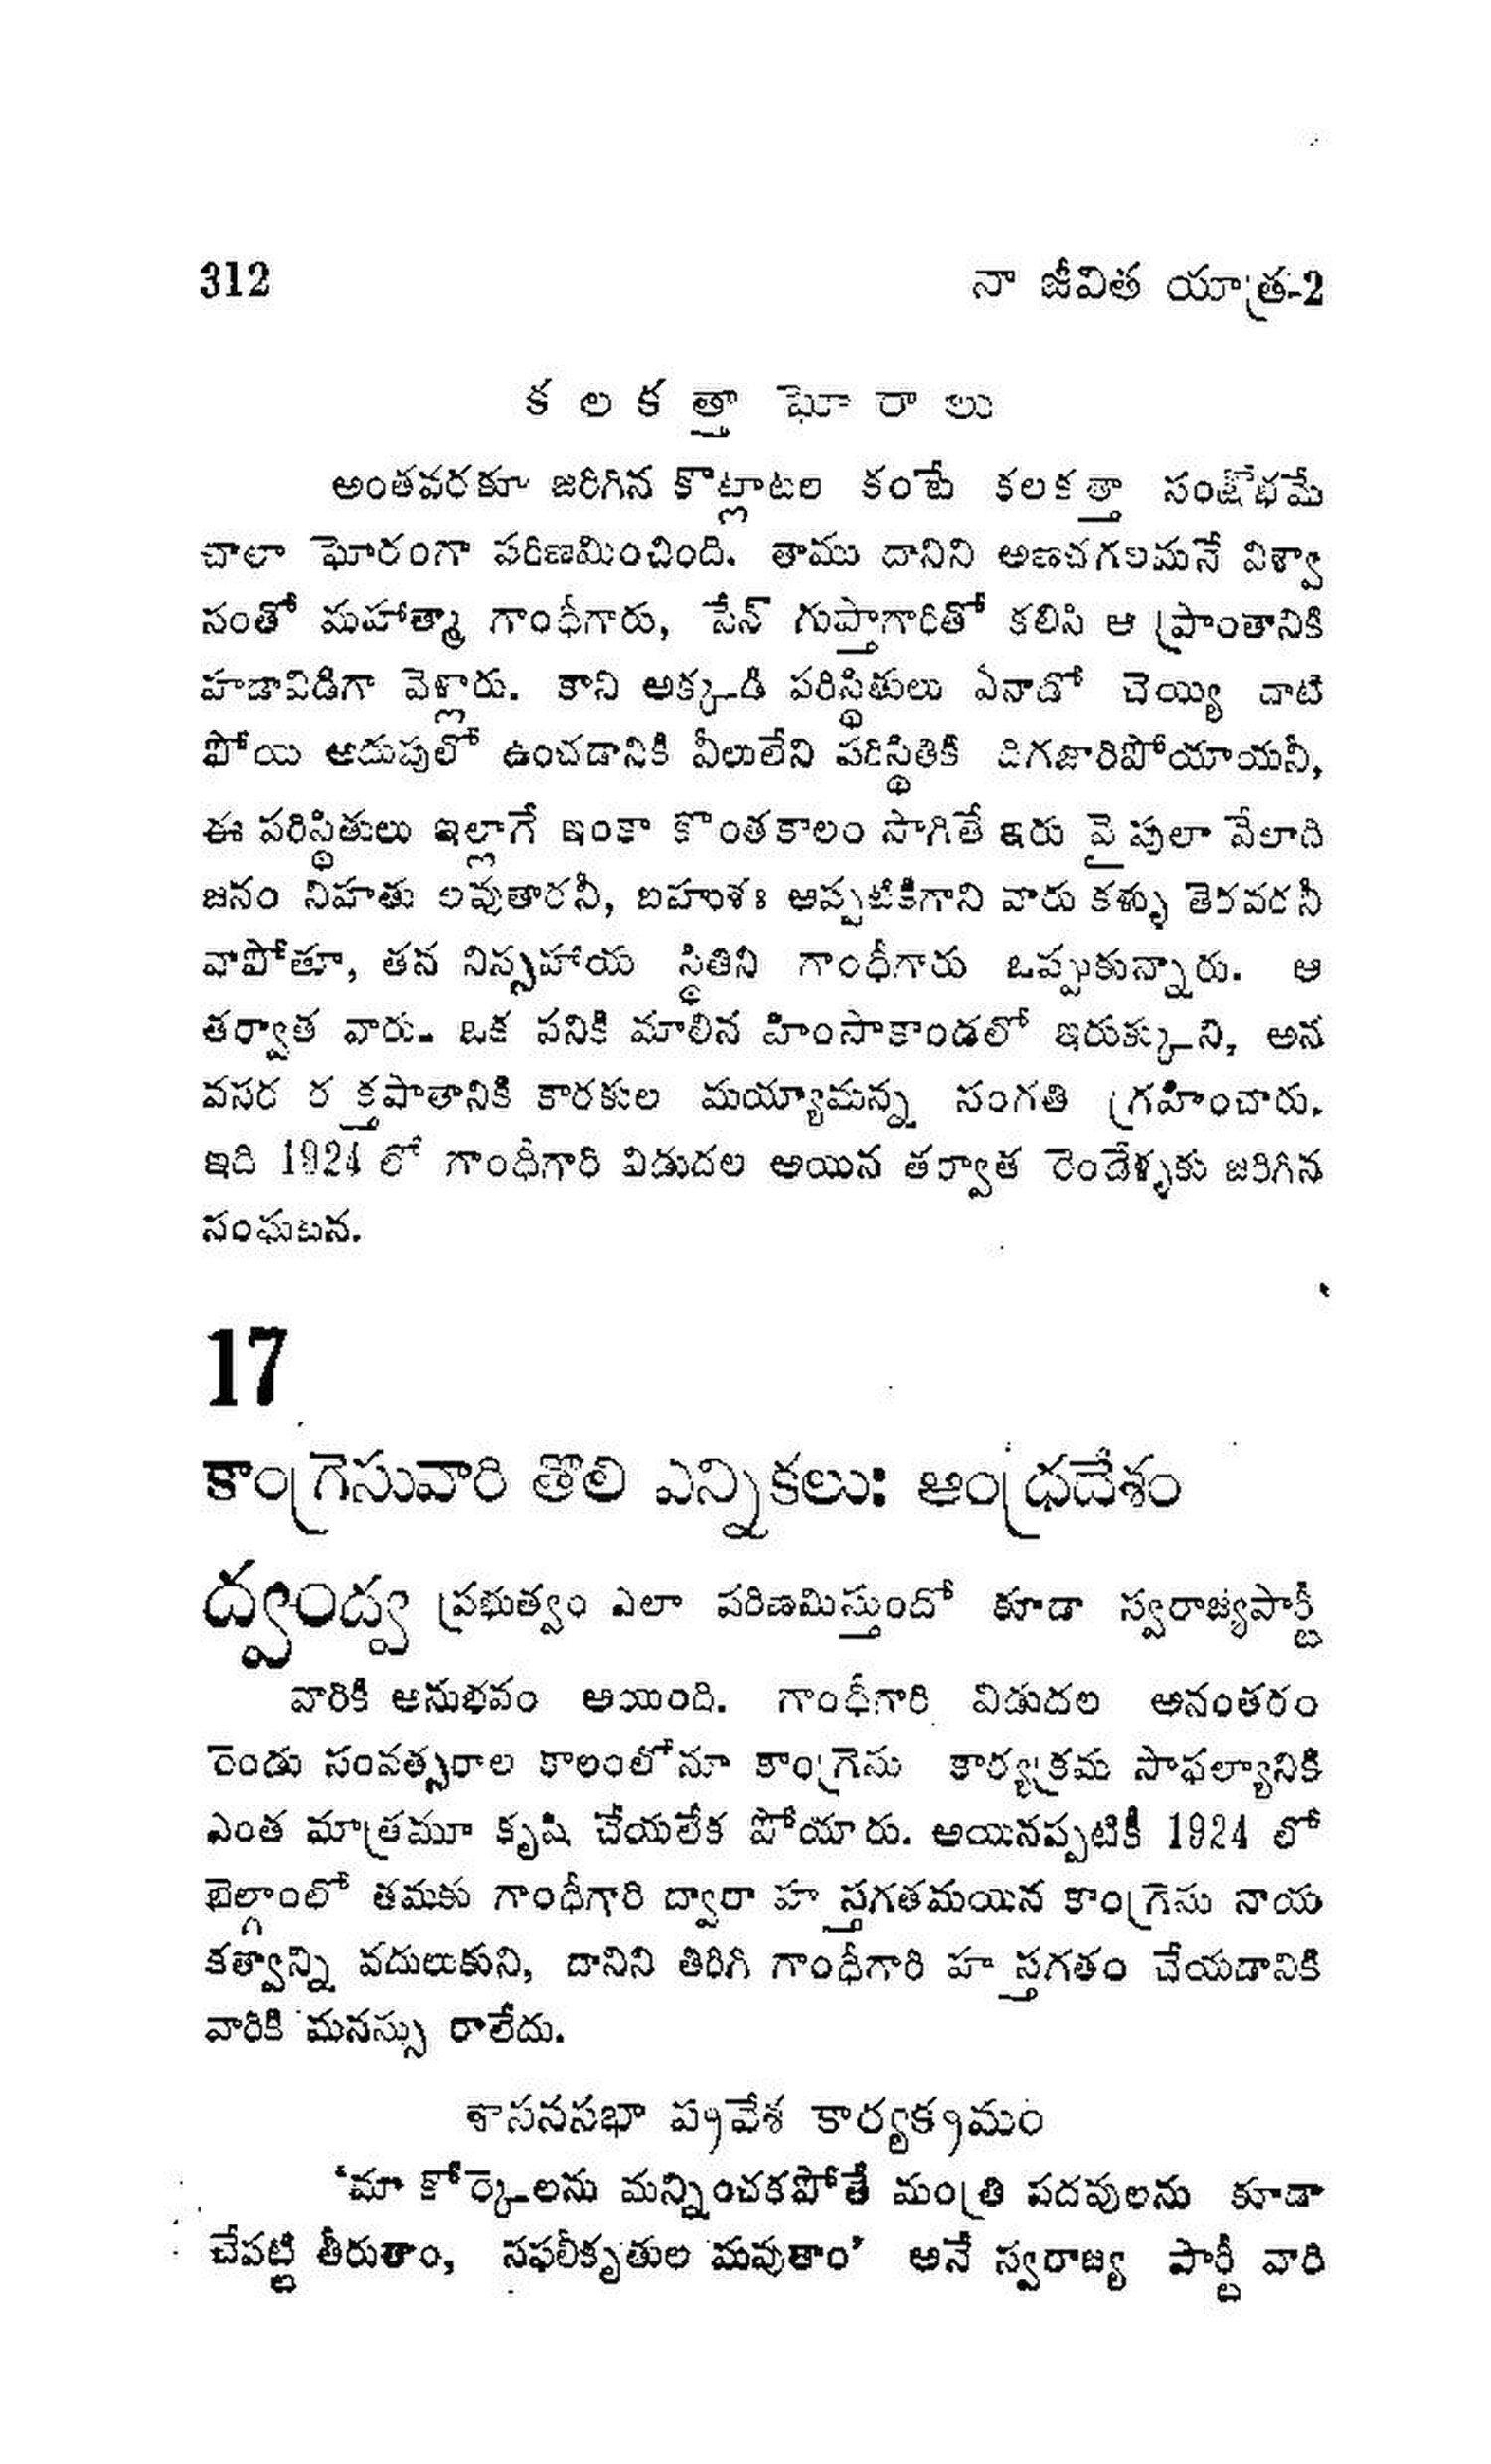అంతవరకూ జరిగిన కొట్లాటల కంటే కలకత్తా సంక్షోభమే చాలా ఘోరంగా పరిణమించింది. తాము దానిని అణచగలమనే విశ్వాసంతో మహాత్మా గాంధీగారు, సేన్ గుప్తాగారితో కలిసి ఆ ప్రాంతానికి హడావిడిగా వెళ్ళారు, కాని అక్కడి పరిస్థితులు ఏనాడో చెయ్యి దాటిపోయి అదుపులో ఉంచడానికి వీలులేని పరిస్థితికి దిగజారిపోయాయనీ, ఈ పరిస్థితులు ఇల్లాగే ఇంకా కొంతకాలం సాగితే ఇరు వైపులా వేలాది జనం నిహతు లవుతారనీ, బహుశ: అప్పటికిగాని వారు కళ్ళు తెరవరనీ వాపోతూ, తన నిస్సహాయ స్థితిని గాంధీగారు ఒప్పుకున్నారు. అ తర్వాత వారు-ఒక పనికి మాలిన హింసాకాండలో ఇరుక్కుని, అనవసర రక్తపాతానికి కారకుల మయ్యామన్న సంగతి గ్రహించారు. ఇది 1924 లో గాంధీగారి విడుదల అయిన తర్వాత రెండేళ్ళకు జరిగిన సంఘటన.

ద్వంద్వ ప్రభుత్వం ఎలా పరిణమిస్తుందో కూడా స్వరాజ్యపార్టీ వారికి అనుభవం అయింది. గాంధీగారి విడుదల అనంతరం రెండు సంవత్సరాల కాలంలోనూ కాంగ్రెసు కార్యక్రమ సాఫల్యానికి ఎంత మాత్రమూ కృషి చేయలేక పోయారు. అయినప్పటీకి 1924 లో బెల్గాంలో తమకు గాంధీగారి ద్వారా హస్తగతమయిన కాంగ్రెసు నాయకత్వాన్ని వదులుకుని, దానిని తిరిగి గాంధీగారి హస్తగతం చేయడానికి వారికి మనస్సు రాలేదు.

"మా కోర్కెలను మన్నించకపోతే మంత్రి పదవులను కూడా చేపట్టి తీరుతాం, సఫలీకృతుల మవుతాం" అనే స్వరాజ్య పార్టీ వారి